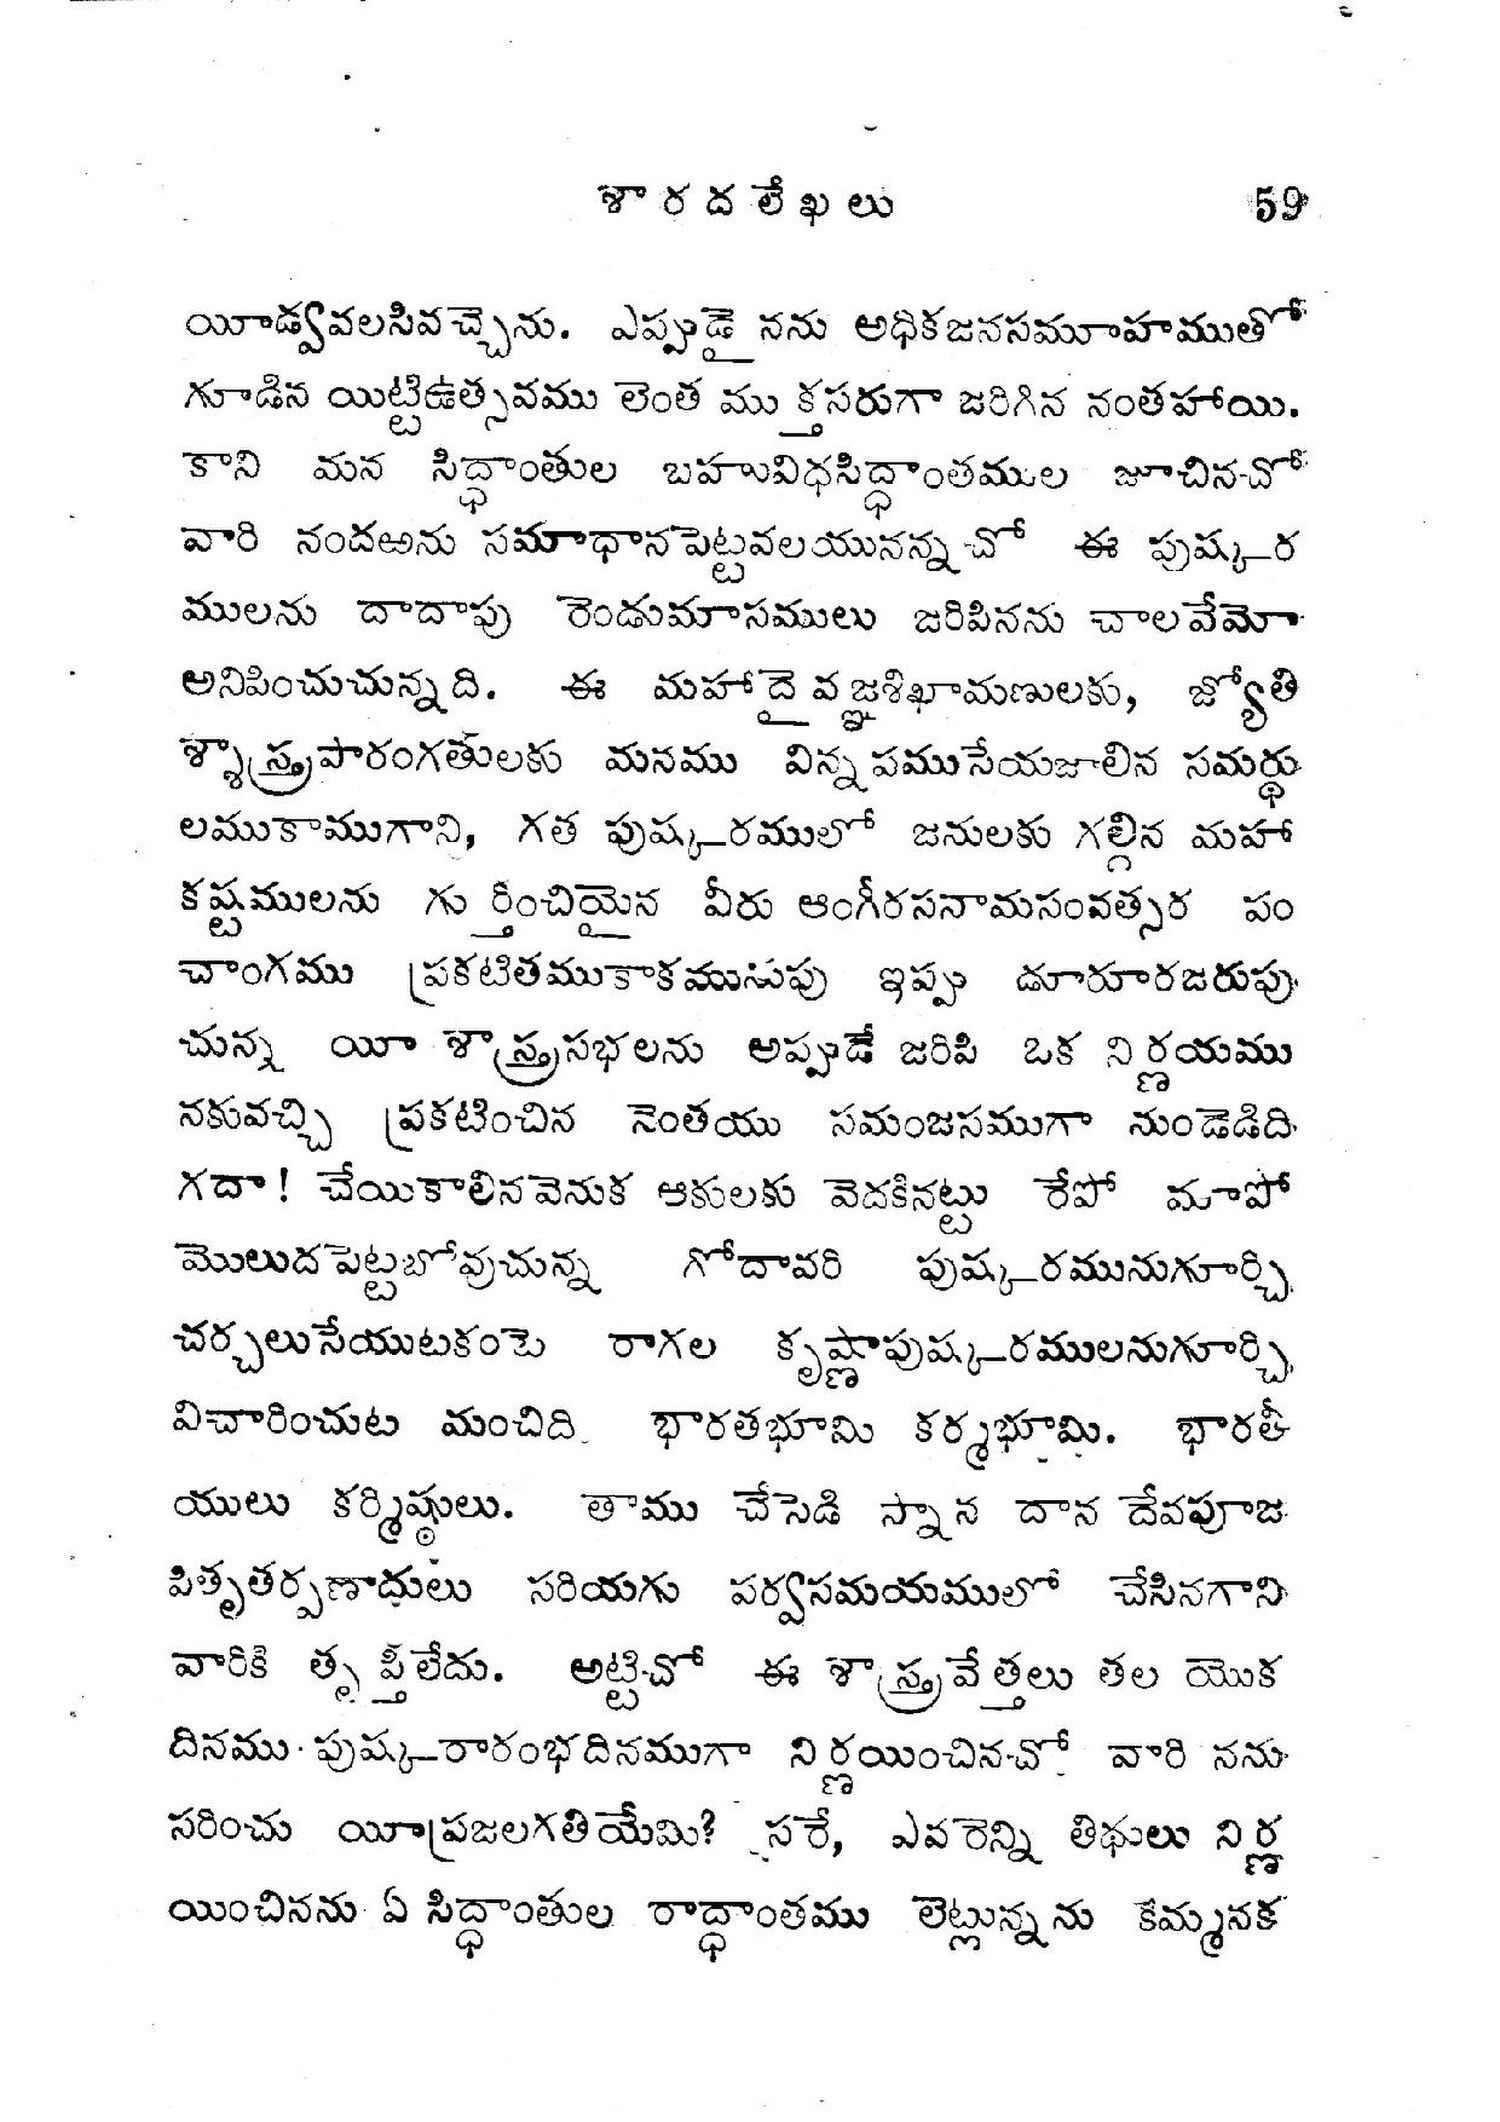యీడ్వవలసివచ్చెను. ఎప్పుడై నను అధిక జనసమూహముతో
గూడిన యిట్టిఉత్సవము లెంత ముక్తసరుగా జరిగిన నంత హాయి.
కాని మన సిద్ధాంతుల బహువిధసిద్ధాంతముల జూచినచో
వారి నందఱను సమాధాన పెట్టవలయునన్నచో ఈ పుష్కర
ములను దాదాపు రెండుమాసములు జరిపినను చాలవేమో
అనిపించుచున్నది. ఈ మహా దైవజ్ఞశిఖామణులకు, జ్యోతి
శ్శాస్త్ర పారంగతులకు మనము విన్నపముసేయజాలిన సమర్థు
లముకాముగాని, గత పుష్కరములో జనులకు గల్గిన మహా
కష్టములను గుర్తించియైన వీరు అంగీరసనామసంవత్సర పం
చాంగము ప్రకటితము కాకమునుపు ఇప్పు డూరూర జరుపు.
చున్న యీ శాస్త్రసభలను అప్పుడే జరిపి ఒక నిర్ణయము
నకువచ్చి ప్రకటించిన నెంతయు సమంజసముగా నుండెడిది.
గదా! చేయికాలిన వెనుక ఆకులకు వెదకినట్టు రేపో మాపో
మొలుద పెట్టబోవుచున్న గోదావరి పుష్కరములను గూర్చి
చర్చలు సేయుటకంటె రాగల కృష్ణాపుష్కరములను గూర్చి
విచారించుట మంచిది. భారతభూమి కర్మభూమి. భారతీ
యులు కర్మిష్ఠులు. తాము చేసెడి స్నాన దాన దేవపూజ
పితృతర్పణాదులు సరియగు పర్వసమయములో చేసినగాని
వారికి తృప్తిలేదు. అట్టిచో ఈ శాస్త్రవేత్తలు తల యొక
దినము పుష్కరారంభదినముగా నిర్ణయించినచో వారి నను
సరించు యీ ప్రజలగతియేమి? సరే, ఎవరెన్ని తిథులు నిర్ణ
యించినను ఏ సిద్ధాంతుల రాద్ధాంతము లెట్లున్నను కిమ్మనక